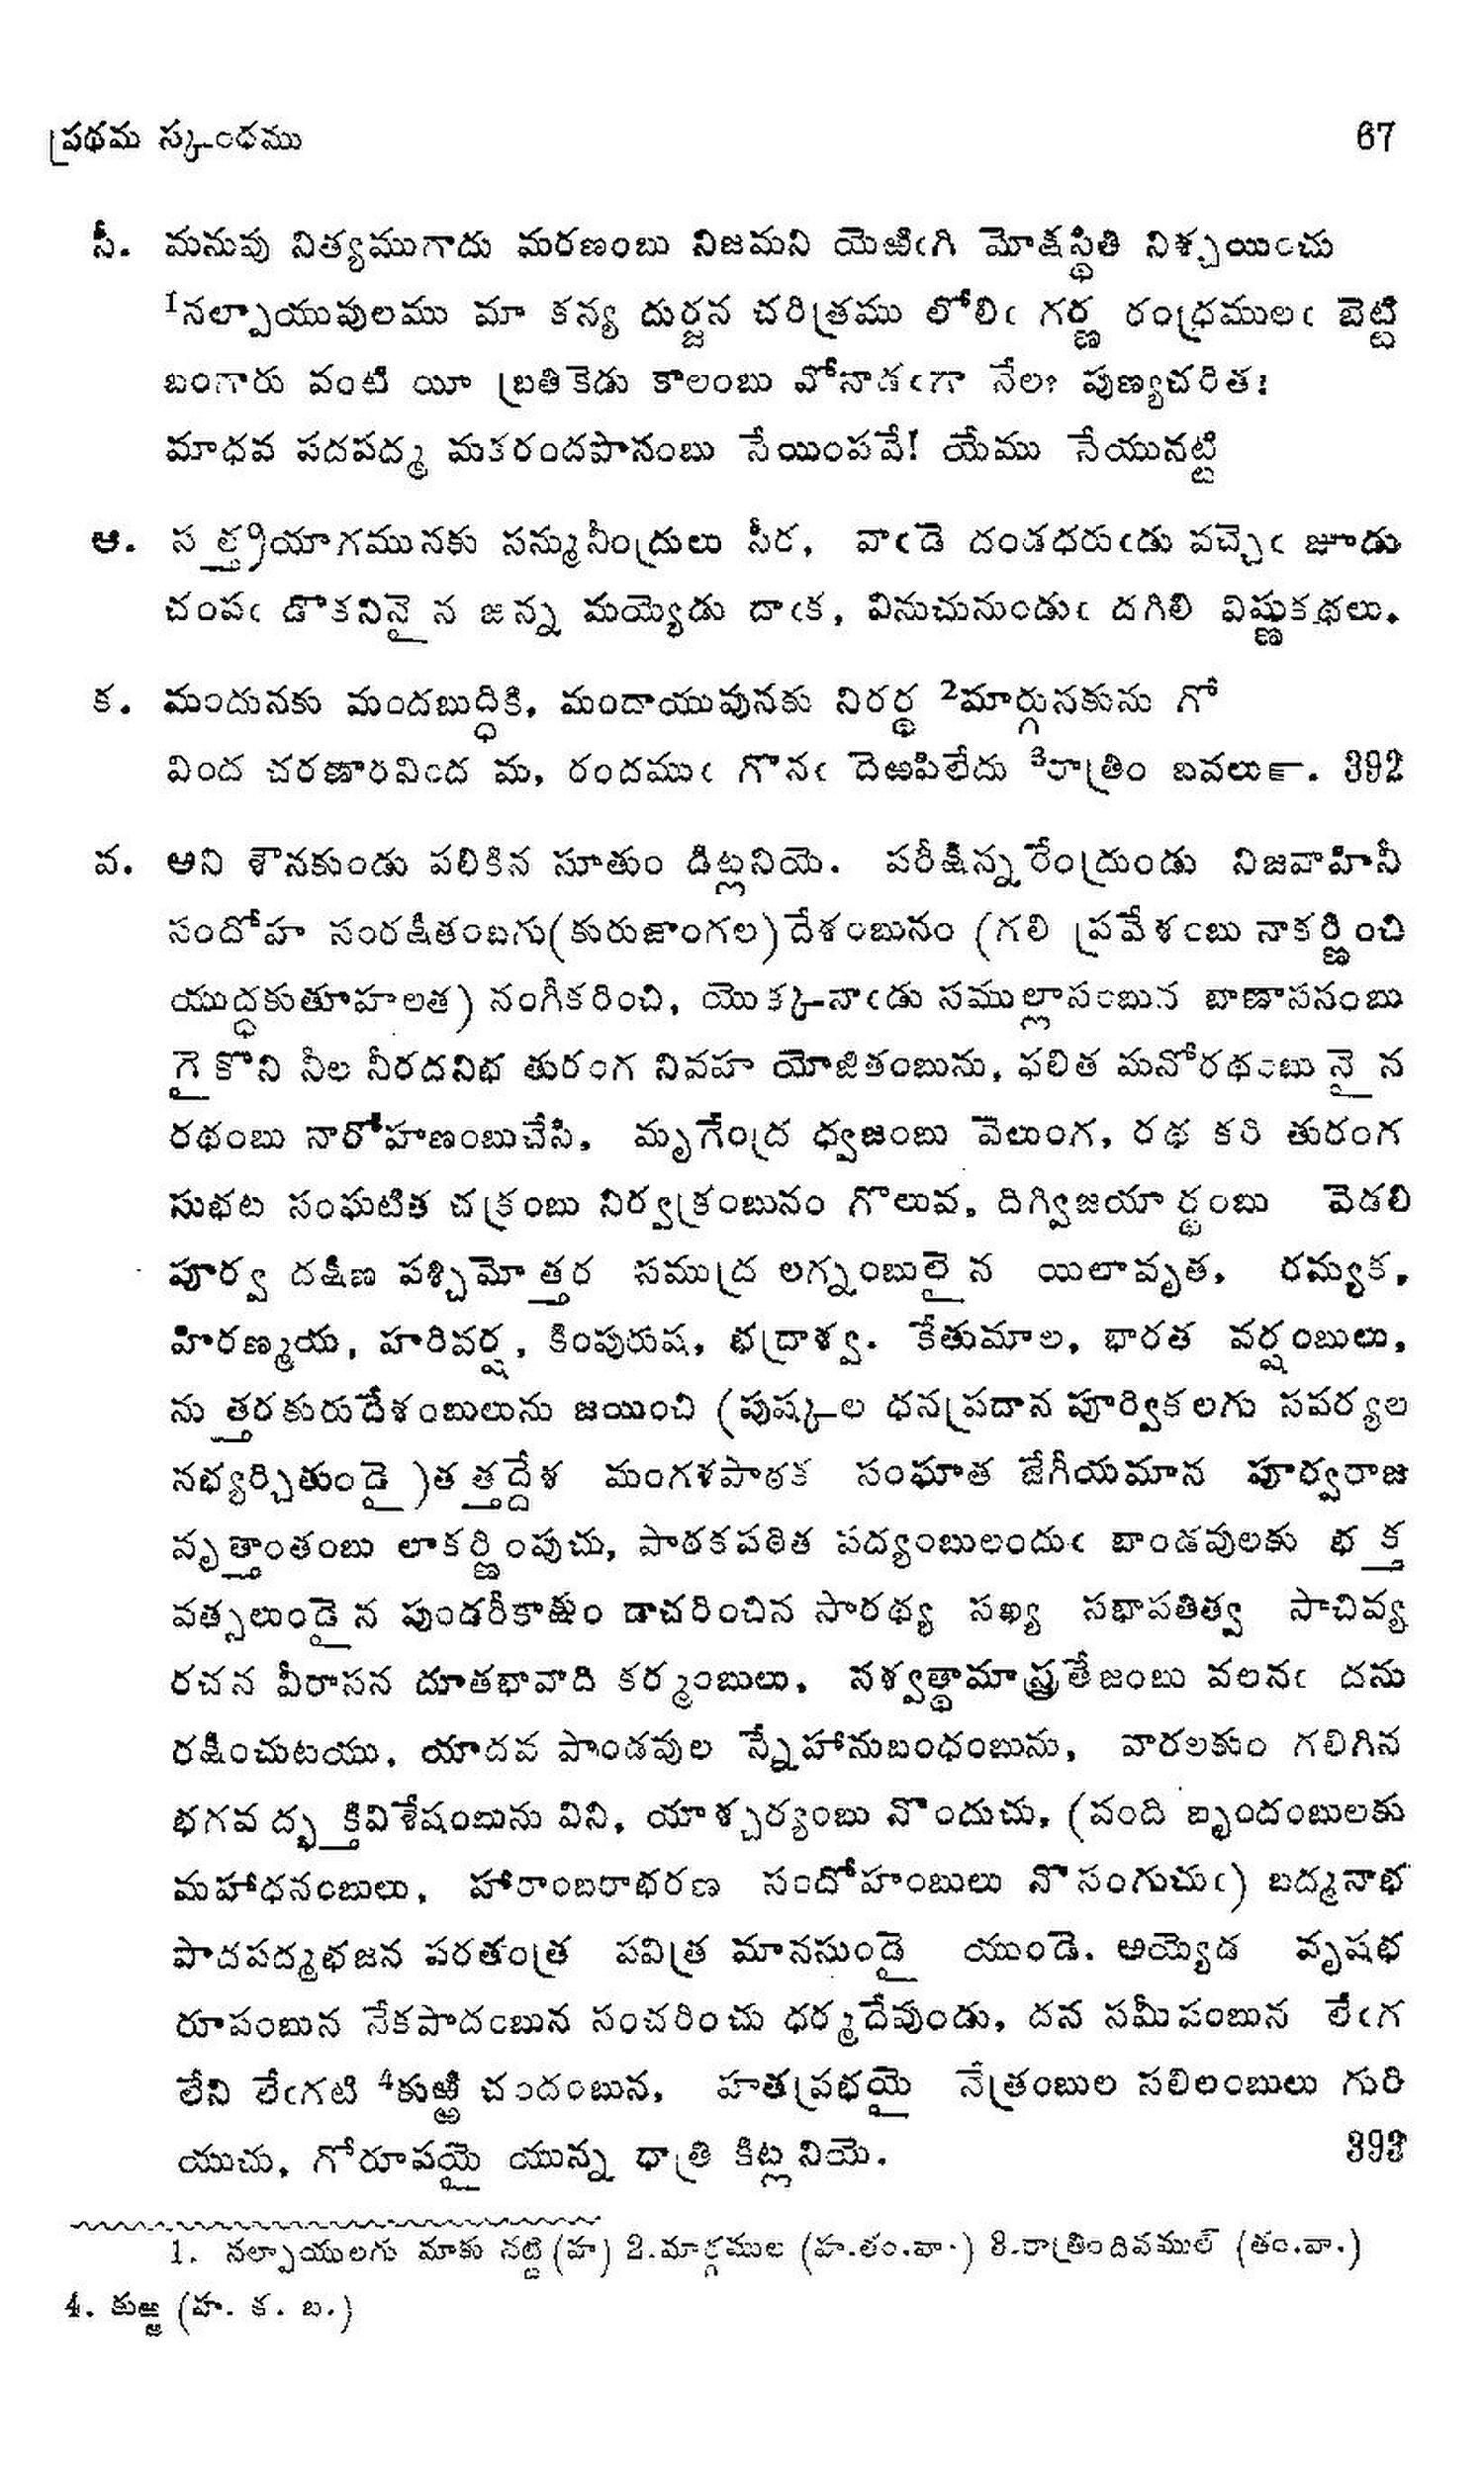67

సీ. మనువు నిత్యముగాదు మరణంబు నిజమని యెఱిఁగి మోక్షస్థితి నిశ్చయించు

నల్పాయువులము మా కన్య దుర్జన చరిత్రము లోలిఁ గర్ణ రంధ్రములఁ బెట్టి

బంగారు వంటి యీ బ్రతికెడి కాలంబు వోనాడఁగా నేల ? పుణ్యచరిత ! 

మాధవ పదపద్మ మకరందపానంబు సేయింపవే ! యేము సేయునట్టి . 

ఆ. సత్త్రయాగమునకు సన్మునీంద్రు సీర, వాఁడె దండధరుఁడు వచ్చెఁ జూడు

చంపఁ డొకనినైన జన్న మయ్యెడు దాఁక, వినుచునుండుఁ దగిలి విష్ణుకథలు. (391)

క. మందునకు మందబుద్ధికి, మందాయువునకు నిరర్థ మార్గునకును గో

విందు చరణారవింద మ, రందముఁ గొనఁ దెఱపిలేదు రాత్రిం బవలున్. (392)

వ. అని శౌనకుడు పలికిన సూతుం డిట్లనియె. పరీక్షిన్నరేంద్రుడు నిజవాహినీ సందోహి సంరక్షితంబగు ( కురుజాంగల) దేశంబునం (గలి ప్రవేశంబు నాకర్ణించి యుద్ధకుతూహలత) నంగీకరించి, యెక్కనాఁడు సముల్లాసంబున బాణాసనంబు గైకొని నీల నీరదనిభ తురంగ నివహ యోజితంబును, ఫలిత మనోరథంబునైన రథంబు నారోహణంబుచేసి, మృగేంద్ర ధ్వజంబు వెలుంగ, రథకరి తురంగ సుభట సంఘటిత చక్రంబు నిర్వక్రంబునం గొలువ, దిగ్విజయార్థంబు వెడలి పూర్వ దక్షిణ పశ్చిమోత్తర సముద్ర లగ్నంబులైన యిలావృత, రమ్యక, హిరణ్మయ, హరివర్ష, కింపురుష, భద్రాశ్వ, కేతుమాల, భారత వర్షంబులు,నుత్తరకురుదేశంబులును జయించి (పుష్కల ధనప్రదాన పూర్వకలగు సపర్యల నభ్యర్చితుండై) తత్తదేశ మంగళపాఠక సంఘాత జేగీయమాన పూర్వరాజ వృత్తాంతంబు లాకర్ణింపుచు, పాఠకపఠత పద్యంబులందుఁ బాండవులకు భక్తవత్సలుండైన పుండరీకాక్షుం డాచరించిన సారథ్య సఖ్య సభాపతిత్వ సాచివ్య రచన వీరాసన దూతభావాది కర్మంబులు, నశ్వత్థామాస్త్రతేజంబు వలనఁ దను రక్షించుటయు, యాదవ పాండవుల స్నేహానుబంధబును, వారలకుం గలిగిన భగవద్భక్తివిశేషంబును విని, యాశ్చర్యంబు నొందుచు, ( వంది బృందంబులకు మహాధనంబులు, హారాంబరాభరణ సందోహంబులు నొసంగుచుఁ ) బద్మ నాభ పాదపద్మ భజన పరతంత్ర పవిత మానసుండై యొండె. అయ్యెడ వృషభ రూపంబున నేకపాదంబున సంచరించు ధర్మదేవుండు, దన సమీపంబున లేఁగ లేని లేఁగటికుఱ్ఱి చందంబున హతప్రభయై నేత్రంబుల సలిలంబులు గురియుచు, గోరూపయై యున్నధాత్ర కిట్లనియె . (393)